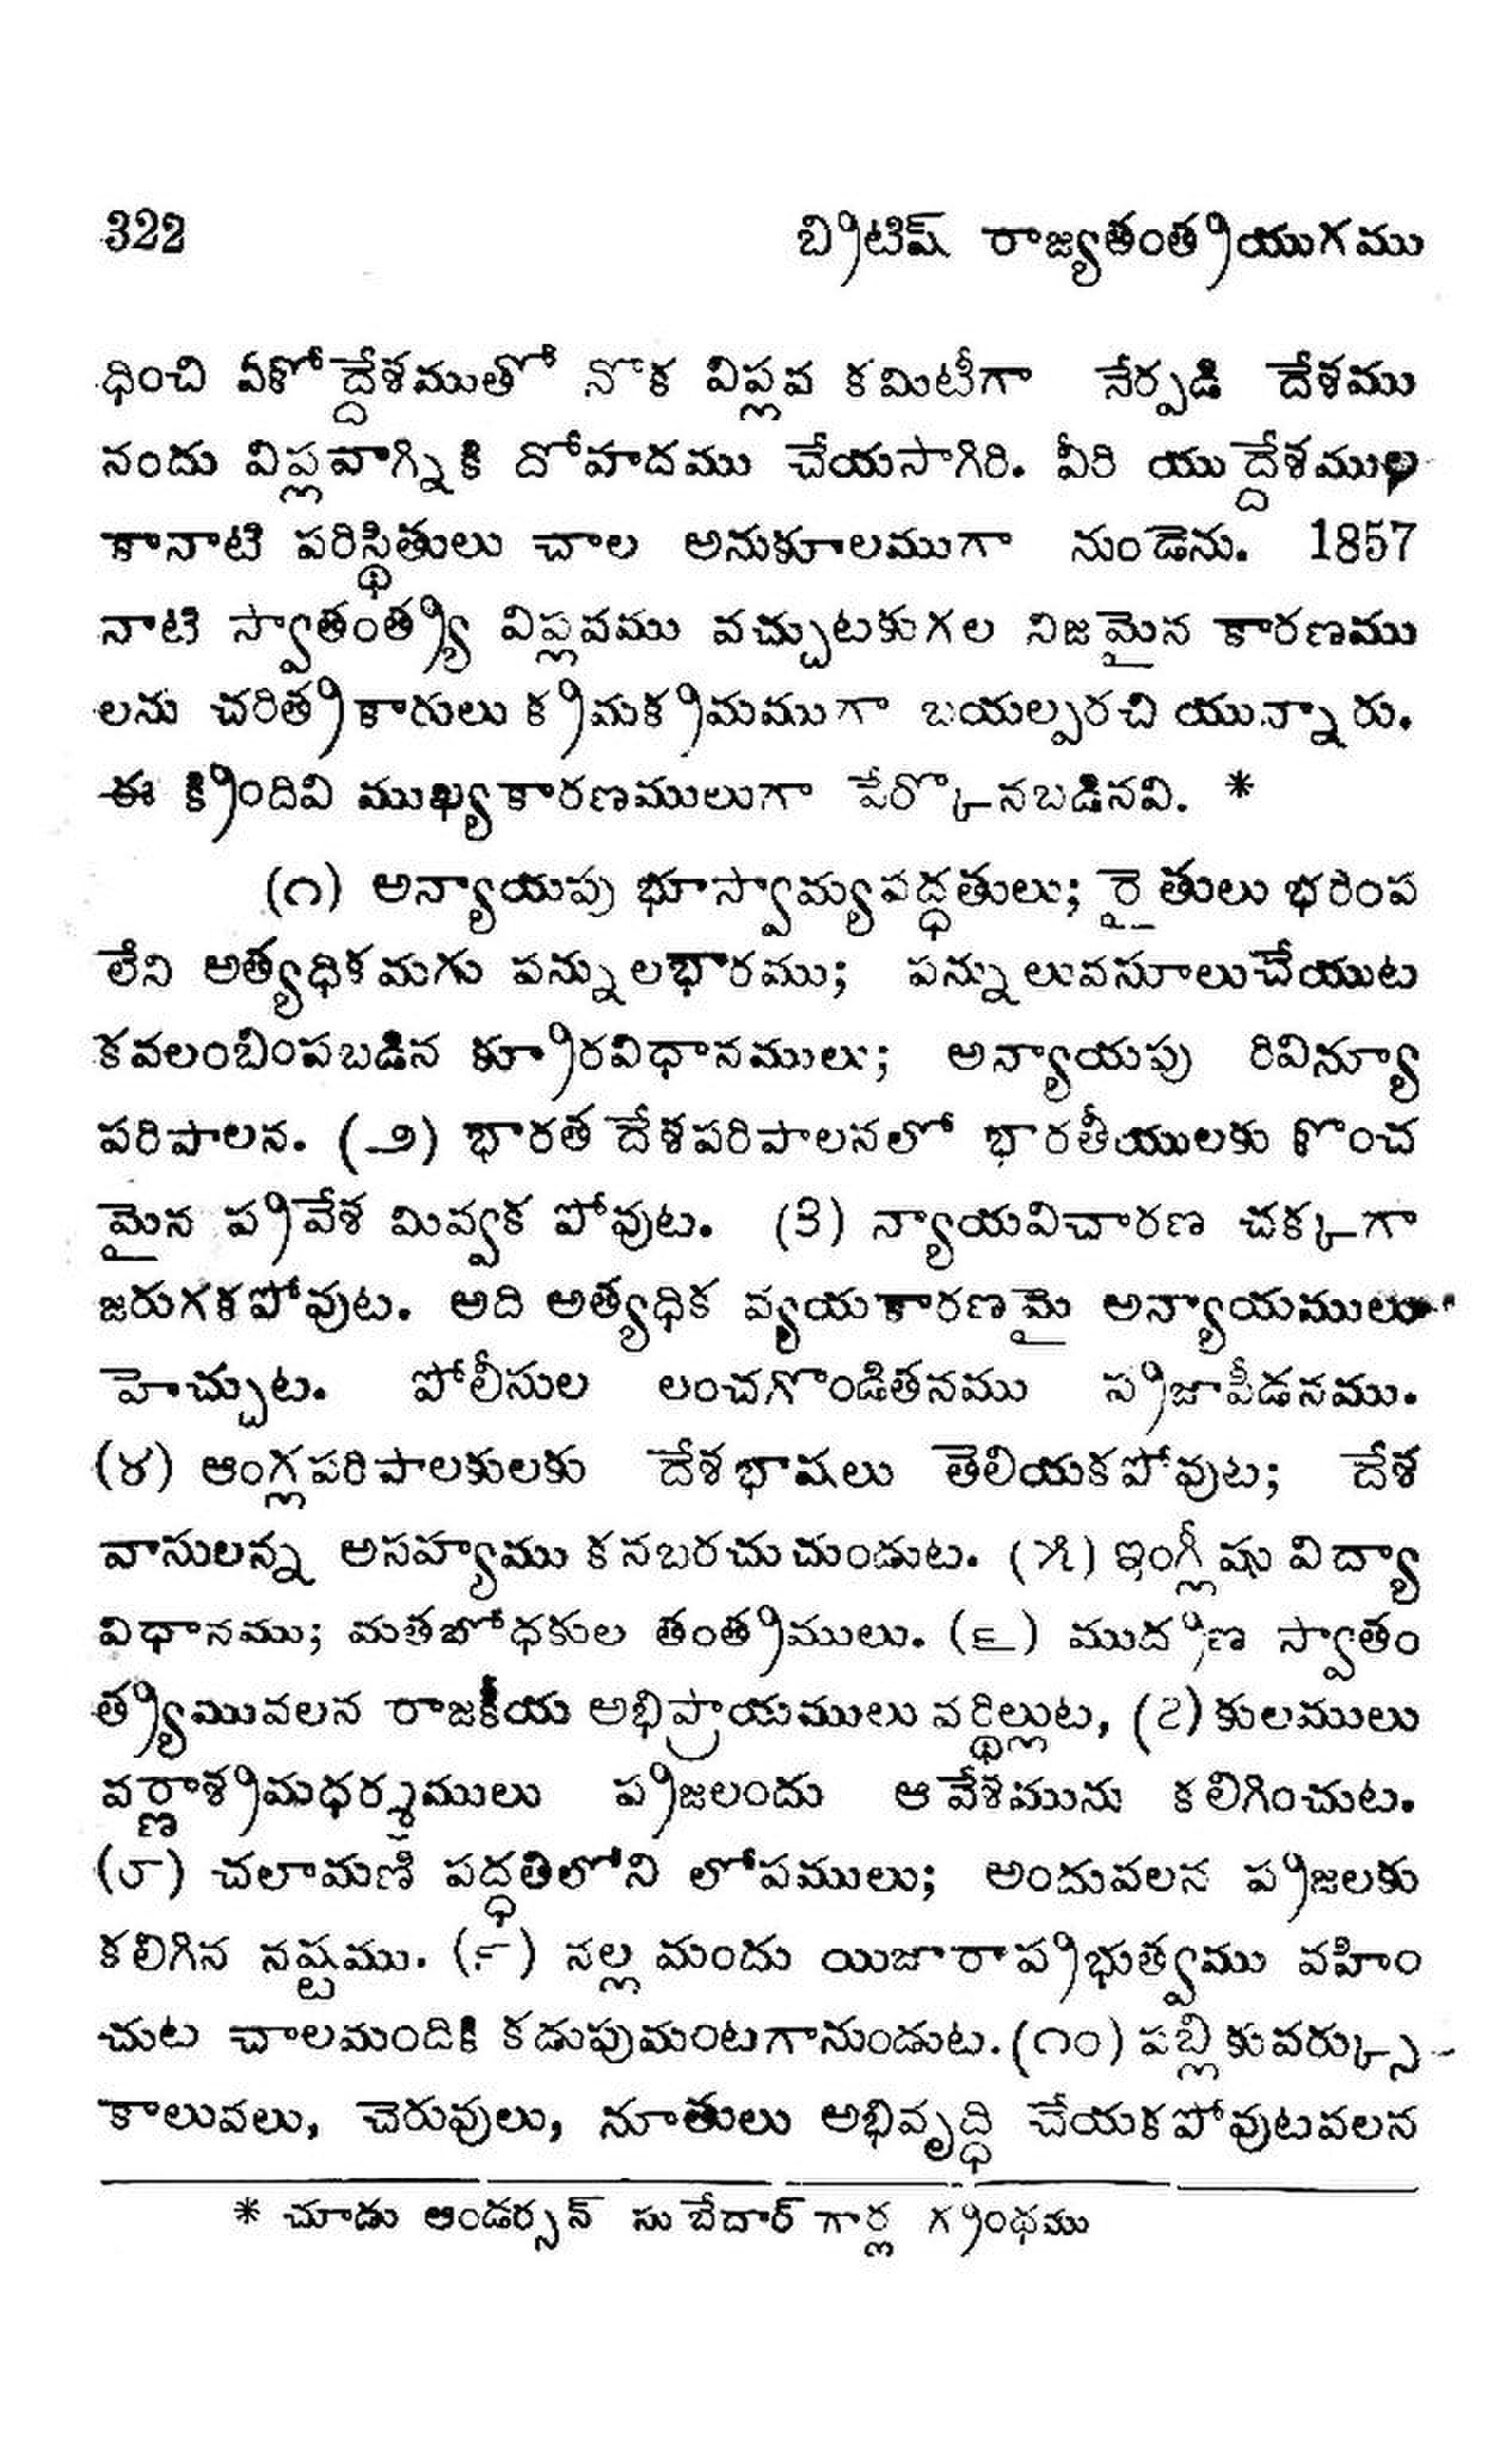ధించి ఏకోద్దేశముతో నొక విప్లవ కమిటీగా నేర్పడి దేశమునందు విప్లవాగ్నికి దోహదము చేయసాగిరి. వీరి యుద్దేశముల కానాటి పరిస్థితులు చాల అనుకూలముగా నుండెను. 1857 నాటి స్వాతంత్ర్య విప్లవము వచ్చుటకుగల నిజమైన కారణములను చరిత్రకారులు క్రమక్రమముగా బయల్పరచి యున్నారు. ఈ క్రిందివి ముఖ్యకారణములుగా పేర్కొనబడినవి.

(1) అన్యాయపు భూస్వామ్య పద్ధతులు, రైతులుభరింపలేని అత్యధికమగు పన్నులభారము; పన్నులువసూలుచేయుట కవలంబింపబడిన క్రూరవిధానములు'; అన్యాయపు రివిన్యూ పరిపాలన. (2) భారతదేశపరిపాలనలో భారతీయులకు కొంచమైన ప్రవేశ మివ్వకపోవుట. (3) న్యాయవిచారణ చక్కగా జరుగకపోవుట. అది అత్యధిక వ్యయకారణమై అన్యాయములు హెచ్చుట. పోలీసుల లంచగొండితనము ప్రజాపీడనము. (4) ఆంగ్లపరిపాలకులకు దేశభాషలు తెలియకపోవుట; దేశవాసులన్న అసహ్యము కనబరచుచుండుట. (5) ఇంగ్లీషు విద్యావిధానము; మతబోధకుల తంత్రములు. (6) ముద్రణ స్వాతంత్ర్యమువలన రాజకీయ అభిప్రాయములు వర్ధిల్లుట, (7) కులములు వర్ణాశ్రమధర్మములు ప్రజలందు ఆవేశమును కలిగించుట. (8) చలామణి పద్దతిలోని లోపములు; అందువలన ప్రజలకు కలిగిన నష్టము. (9) నల్ల మందు యిజారాప్రభుత్వము వహించుట చాలమందికి కడుపుమంటగానుండుట. (10) పబ్లికువర్క్సు - కాలువలు, చెరువులు, నూతులు అభివృద్ధి చేయక పోవుటవలన